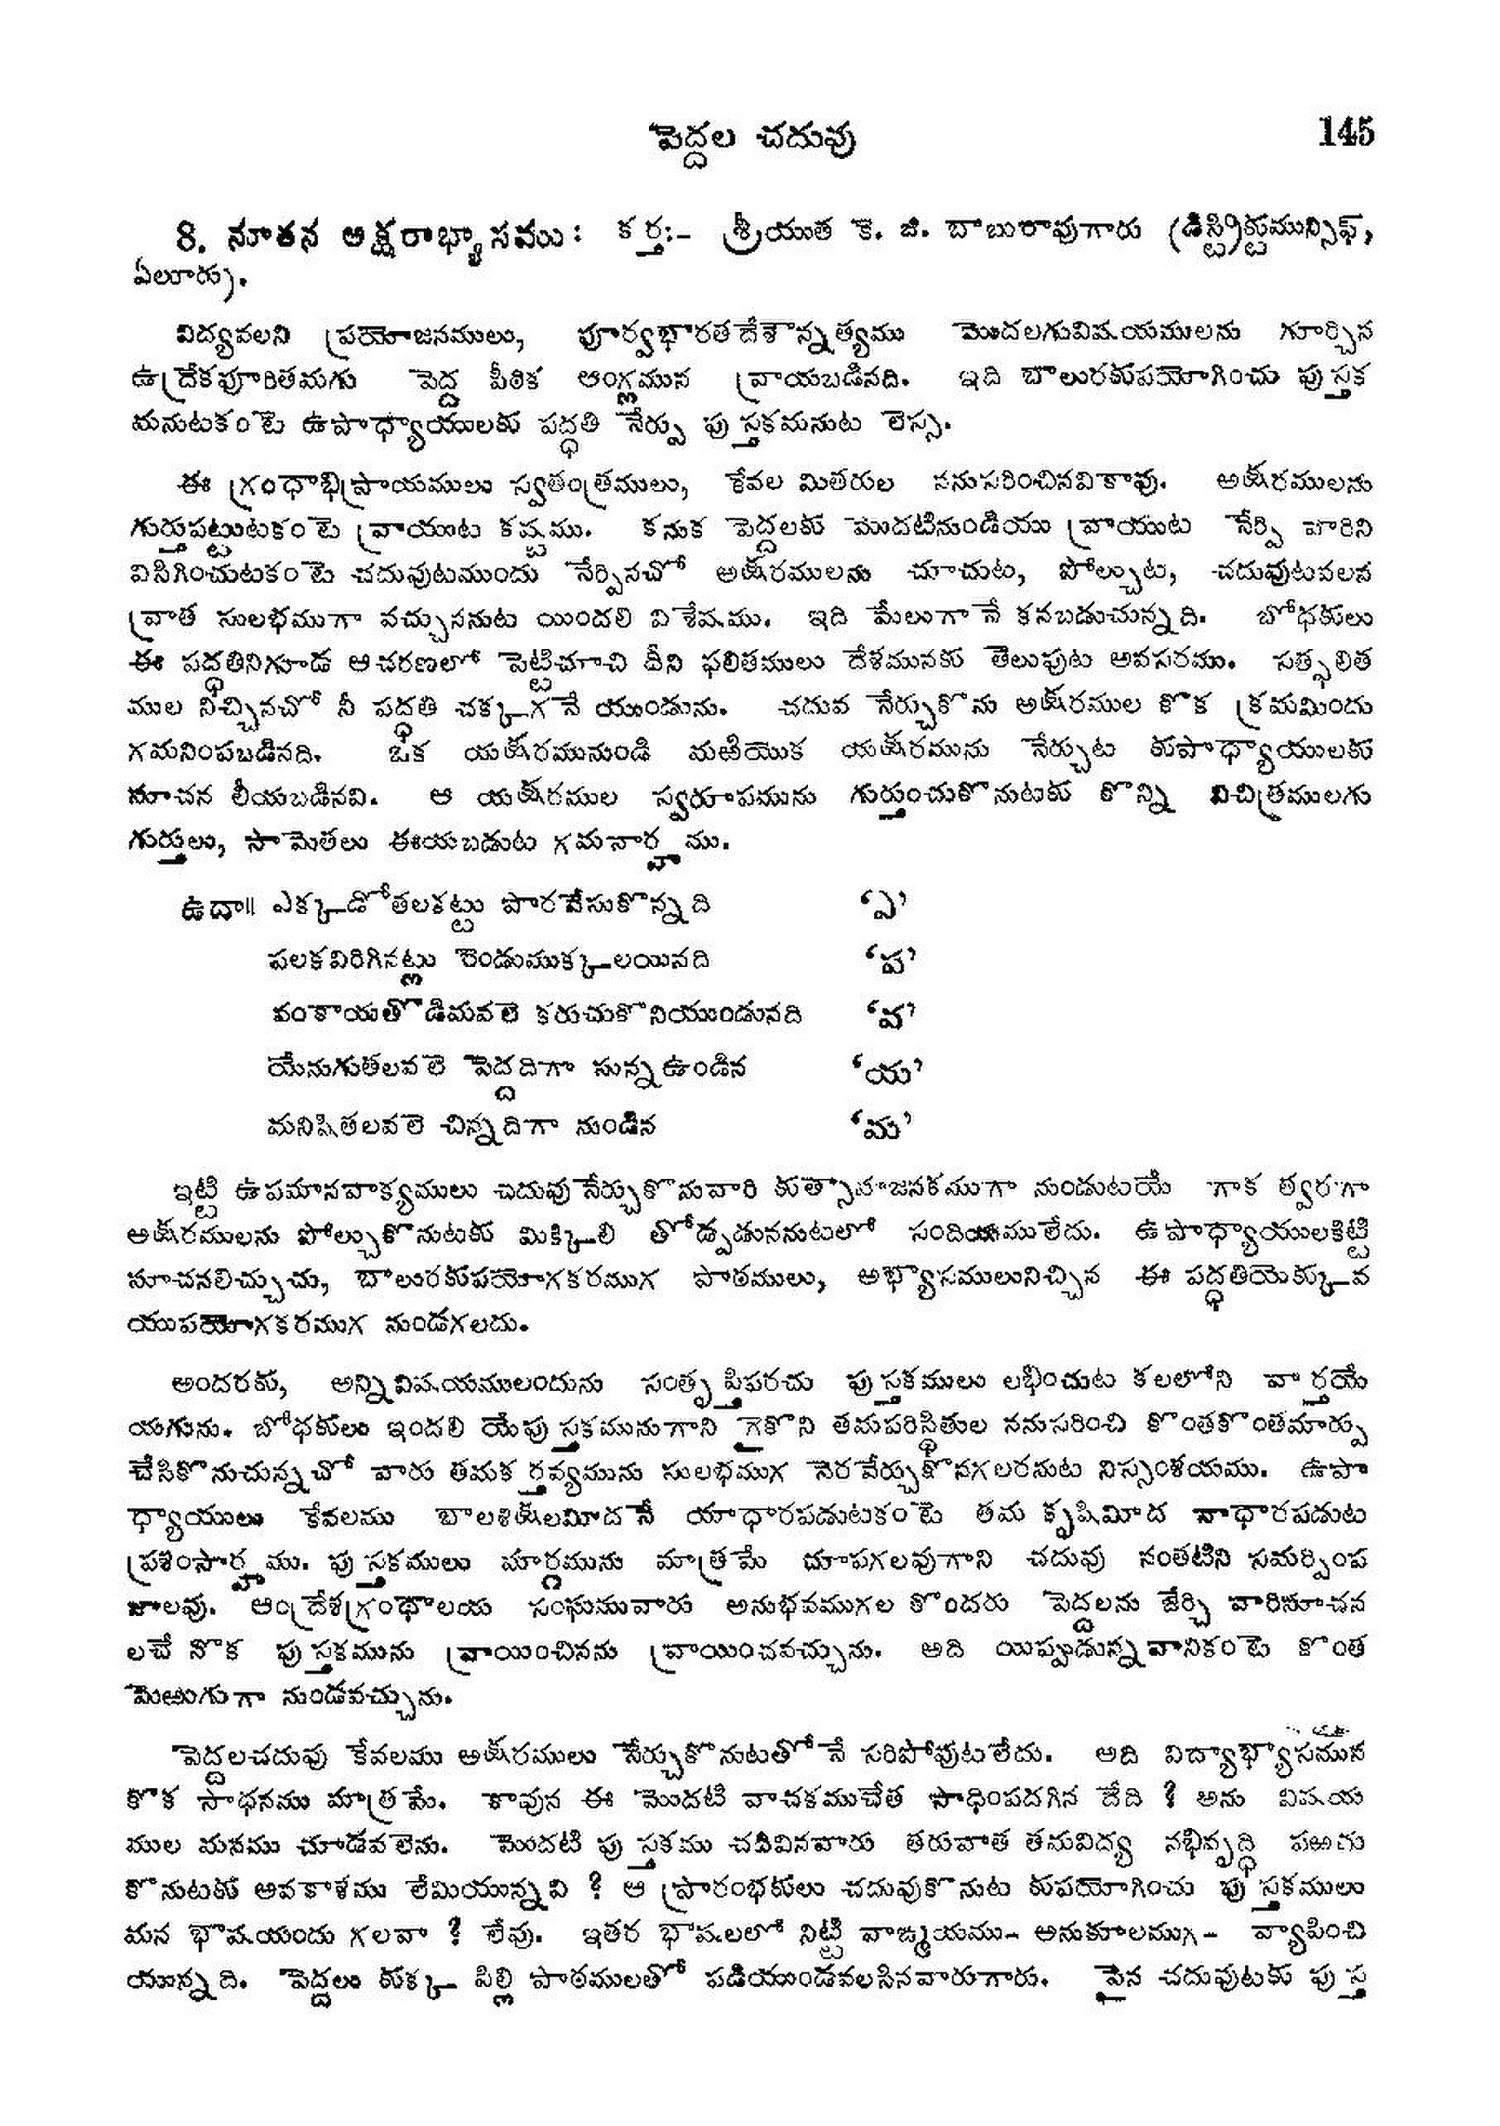8. నూతన అక్షరాభ్యాసము: కర్త:- శ్రీయుత కె.జి. బాబురావు గారు (డిస్ట్రిక్టుమున్సిఫ్, ఏలూరు).

విద్యవలని ప్రయోజనములు, పూర్వభారత దేశౌన్నత్యము మొదలగు విషయములను గూర్చిన ఉద్రేకపూరితమగు పెద్ద పీఠిక 
ఆంగ్లమున వ్రాయబడినది. ఇది బాలురకుపయోగించు పుస్తకమనుటకంటె ఉపాధ్యాయులకు పద్ధతి నేర్పు పుస్తకమనుట లెస్స.

గ్రంధాభిప్రాయములు స్వతంత్రములు, కేవల మితరుల ననుసరించినవి కావు. అక్షరములను గుర్తుపట్టుటకంటె వ్రాయుట 
కష్టము. కనుక పెద్దలకు మొదటినుండియు వ్రాయుట నేర్పి వారిని విసిగించుటకంటె చదువుటముందు నేర్పినచో అక్షరములను 
చూచుట, పోల్చుట, చదువుటవలన వ్రాత సులభముగా వచ్చుననుట యిందలి విశేషము. ఇది మేలుగానే కనబడుచున్నది.
బోధకులు ఈ పద్దతిని గూడ ఆచరణలో పెట్టిచూచి దీని ఫలితములు దేశమునకు తెలుపుట అవసరము. సత్ఫలితముల నిచ్చినచో 
నీ పద్దతి చక్కగనే యుండును. చదువ నేర్చుకొను అక్షరముల కొక క్రమమిందు గమనింపబడినది. ఒక యక్షరమునుండి మఱియొక యక్షరమును నేర్చుట కుపాధ్యాయులకు సూచన లీయబడినవి. ఆ యక్షరముల స్వరూపమును గుర్తుంచుకొనుటకు కొన్ని 
విచిత్రములగు గుర్తులు, సామెతలు ఈయబడుట గమనార్హము.

ఉదా!!ఎక్కడో తలకట్టు పారవేసుకొన్నది - 'ఎ'
పలకవిరిగినట్లు రెండుముక్క అయినది - 'ప' 
వంకాయతోడిమవలె కరుచుకొనియుండునది- 'వ'
యేనుగుతలవలె పెదదిగా సున్న ఉండిన - 'య'
మనిషితలవలె చిన్నదిగా నుండిన - 'మ'

ఇట్టి ఉపమాన వాక్యములు చదువు నేర్చుకొనవారి కుత్సావ జనకముగా నుండుటయే గాక త్వరగా అక్షరములను పోల్చుకొనుటకు 
మిక్కిలి తోడ్పడుననుటలో సందియములేదు. ఉపాధ్యాయులకిట్టి సూచనలిచ్చుచు, బాలురకుపయోగకరముగ పాఠములు, అభ్యాసములునిచ్చిన ఈ పద్ధతియెక్కువ యుపయోగకరముగ నుండగలదు.

అందరకు, అన్ని విష యములందును సంతృ పీకపరచు పుస్తకములు లభించుట కలలోని వార్తయే యగును. బోధకులు ఇందలి యేపుస్తకమును గాని గైకొని తమపరిస్థితుల ననుసరించి కొంతకొంతమార్పుచేసికొనుచున్నచో వారు తమక ర్తవ్యమును సులభముగ నేరవేర్చుకొనగలరనుట నిస్సంశయము. ఉపాధ్యాయులు కేవలము బాలశితులమీదనే యాధారపడుటకంటే తమ కృషిమీద నాధారపడుట
ము. పుస్తకములు మార్గమును మాత్రమే చూపగలవు గాని చదువు నంతటిని సమర్పింప
జాలవు. ఆందేశగ్రంథాలయ సంఘము వారు అనుభవముగల కొందరు పెద్దలను జేర్చి వారి సూచన
లచే నొక పుస్తకమును వ్రాయించినను వ్రాయించవచ్చును. అది యిప్పుడున్న వానికంటె కొంత
మెఱుగుగా నుండవచ్చును.

పెద్దల చదువు కేవలము అక్షరములు నేర్చుకొనుటతోనే సరిపోవుటలేదు. అది విద్యాభ్యాసమున కొక సాధనము మాత్రమే. కావున ఈ 'మొదటి వాచకముచేత సాధింపదగిన దేది ? అనువిషయముల మనము చూడవలెను. మొదటి పుస్తకము చదివినవారు తరువాత 
తమవిద్య నభివృద్ధి కొనుటకు అవకాశము లేమియున్నవి? ఆ ప్రారంభకులు చదువుకొనుట కుపయోగించు పుస్తకములు మన భాష 
యందు గలవా? లేవు. ఇతర భాషలలో నిట్టి వాఙ్మయము - అనుకూలముగ - వ్యాపించి యున్నది. పెద్దలు కుక్క పిల్లి 
పాఠములతో పడియుండవలసినవారుగారు, పైన చదువుటకు పుస్త